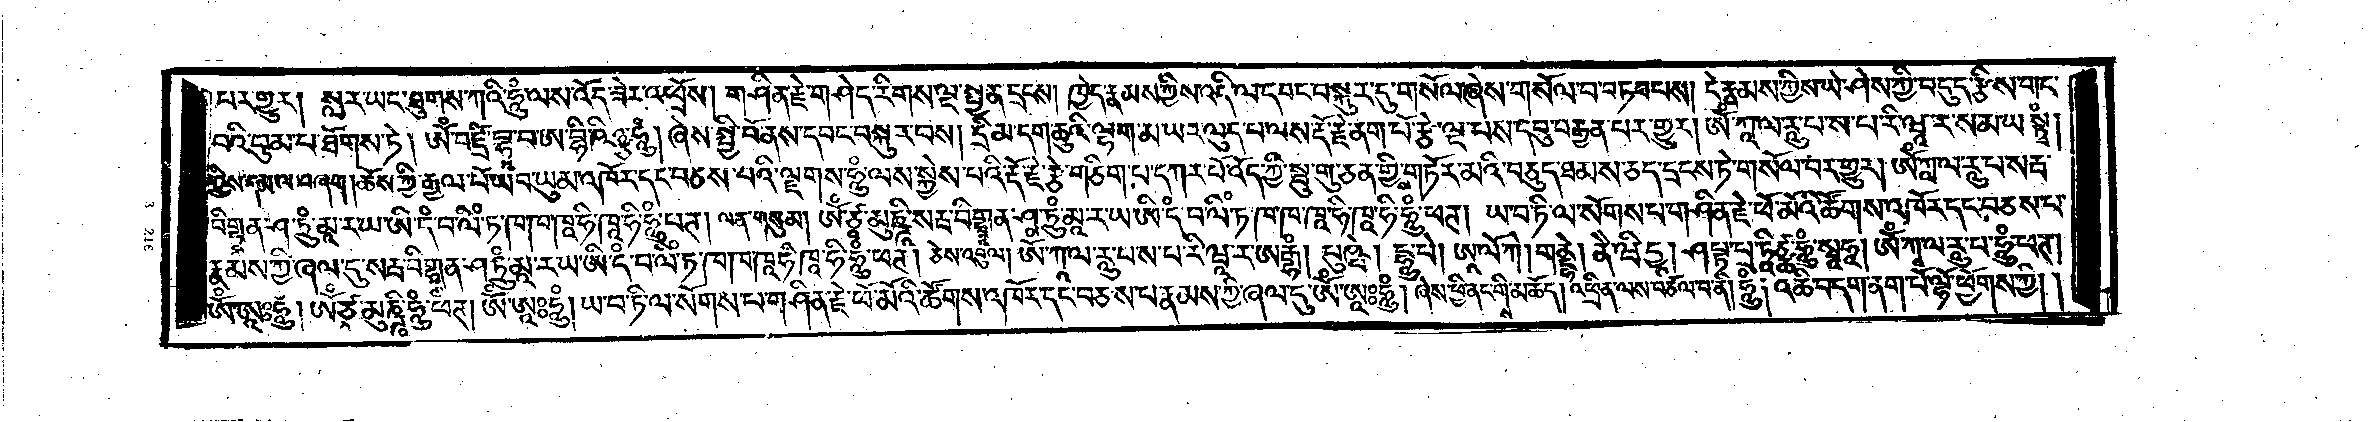པར་གྱུར། སླར་ཡང་ཐུགས་ཀའི་ཧཱུཾ་ལས་འོད་ཟེར་འཕྲོས། གཤིན་རྗེ་གཤེད་རིགས་ལྔ་སྤྱན་དྲངས། ཁྱེད་རྣམས་ཀྱིས་འདི་ལ་དབང་བསྐུར་དུ་གསོལ་ཞེས་གསོལ་བ་བཏབ་པས། དེ་རྣམས་ཀྱིས་ཡེ་ཤེས་ཀྱི་བདུད་རྩིས་གང་
བའི་བུམ་པ་ཐོགས་ཏེ། ཨོཾ་བཛྲི་བྷཱ་བ་ཨ་བྷི་ཥིཉྩ་ཧཱུཾ། ཞེས་སྤྱི་བོ་ནས་དབང་བསྐུར་བས། དྲི་མ་དག་ཆུའི་ལྷག་མ་ཡར་ལུད་པ་ལས་རྡོ་རྗེ་ནག་པོ་རྩེ་ལྔ་པས་དབུ་བརྒྱན་པར་གྱུར། ཨོཾ་ཀཱ་ལ་རཱུ་པ་ས་པ་རི་ཝཱ་ར་ས་མ་ཡ་སྟྭཾ།
ཀྱིས་དམལ་བཞག། ཆོས་ཀྱི་རྒྱལ་པོ་ཡབ་ཡུམ་འཁོར་དང་བཅས་པའི་ལྗགས་ཧཱུཾ་ལས་སྐྱེས་པའི་རྡོ་རྗེ་རྩེ་གཅིག་པ་དཀར་པོ་འོད་ཀྱི་སྤུ་གུ་ཅན་གྱི་གཏོར་མའི་བཅུད་ཐམས་ཅད་དྲངས་ཏེ་གསོལ་བར་གྱུར། ཨོཾ་ཀཱ་ལ་རཱུ་པ་སརྦ་
བིགྷན་ཤ་ཏྲཱུཾ་མཱ་ར་ཡ་ཨི་དཾ་བ་ལིཾ་ཏ་ཁ་ཁ་ཁཱ་ཧི་ཁཱ་ཧི་ཧཱུཾ་ཕཊ། ལན་གསུམ།  ཨོཾ་ཙཱ་མུཎྜཱི་སརྦ་བིགྷཱན་ཤ་ཏྲཱུཾ་མཱ་ར་ཡ་ཨི་དཾ་བ་ལིཾ་ཏ་ཁ་ཁ་ཁཱ་ཧི་ཁཱ་ཧི་ཧཱུཾ་ཕཊ། ཡ་བ་ཏི་ལ་སོགས་པ་གཤིན་རྗེ་ཕོ་མོའི་ཚོགས་འཁོར་དང་བཅས་པ་
རྣམས་ཀྱི་ཞལ་དུ་སརྦ་བིགྷན་ཤ་ཏྲུཾ་མཱ་ར་ཡ་ཨི་དཾ་བ་ལིཾ་ཏ་ཁ་ཁ་ཁཱ་ཧི་ཁཱ་ཧི་ཧཱུཾ་ཕཊ། ཅེས་འབུལ།  ཨོཾ་ཀཱ་ལ་རཱུ་པས་པ་རི་ཝཱ་ར་ཨརྒྷཾ། པུཥྤེ། དྷཱུ་པེ། ཨཱ་ལོ་ཀེ། གནྡྷེ། ནཻ་ཝིདྱཱ། ཤཔྟ་པྲ་ཏཱི་ཙྪ་ཧཱུཾ་སྭཱཧཱ། ཨོཾ་ཀཱ་ལ་རཱུ་པ་ཧཱུཾ་ཕཊ།
ཨོཾ་ཨཱཿཧཱུཾ། ཨོཾ་ཙཱ་མུཎྜི༠་ཧཱུཾ་ཕཊ། ཨོཾ་ཨཱཿཧཱུཾ། ཡ་བ་ཏི་ལ་སོགས་པ་གཤིན་རྗེ་ཕོ་མོའི་ཚོགས་འཁོར་དང་བཅས་པ་རྣམས་ཀྱི་ཞལ་དུ་ཨོཾ་ཨཱཿཧཱུཾ། ཞེས་ཕྱི་ནང་གིས་མཆོད། འཕྲིན་ལས་བཙལ་བ་ནི།  ཧཱུཾ༑ འཆི་བདག་ནག་པོ་ལྷོ་ཕྱོགས་ཀྱི། །